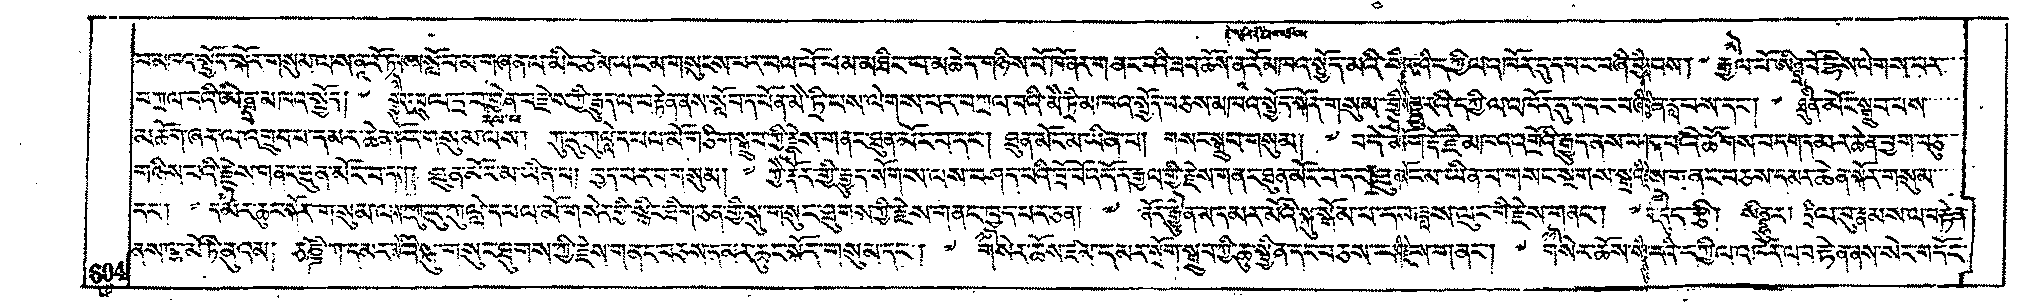བ་མཁའ་སྤྱོད་སྐོར་གསུམ་ལས་ནཱ་རོ་ཏ་པས་སློབ་མ་གཞན་ལ་མིང་ཙམ་ཡང་མ་གསུངས་པར་བལ་པོ་ཕམ་མཐིང་བ་མཆེད་གཉིས་པོ་ཁོ་ནར་གནང་བའི་ཟབ་ཆོས་རྗེ་བཙུན་རྡོ་རྗེ་རྣལ་འབྱོར་མ་ནཱ་རོ་མཁའ་སྤྱོད་མའི་སིནྡྷུ་རའི་དཀྱིལ་འཁོར་དུ་དབང་བཞི་བྱིན་རླབས། ༧་རྒྱལ་པོ་ཨིནྡྲ་བོ་དྷིས་ལེགས་པར་
བཀྲལ་བའི་ཨིནྡྲ་མཁའ་སྤྱོད། ༧་སྒྱུ་འཕྲུལ་དྲ་པ་རལ་པ་གྱེན་བརྫེས་ཀྱི་རྒྱུད་ལ་བརྟེན་ནས་སློབ་དཔོན་མཻ་ཏྲི་པས་ལེགས་པར་བཀྲལ་བའི་མཻ་ཏྲི་མཁའ་སྤྱོད་བཅས་མཁའ་སྤྱོད་སྐོར་གསུམ་གྱི་སིནྡྷུ་རའི་དཀྱིལ་འཁོར་དུ་དབང་བཞི་བྱིན་རླབས་དང་། ༧་ཐུན་མོང་སྒྲུབ་པས་
མཆོག་ཞར་ལ་འགྲུབ་པ་དམར་ཆེན་སྐོར་གསུམ་ལས། ཀུ་རུ་ཀུ་ལླེ་དཔལ་མོ་གཅིག་སྒྲུབ་ཀྱི་རྗེས་གནང་ཐུན་མོང་བ་དང་། ཐུན་མོང་མ་ཡིན་པ། གསང་སྒྲུབ་གསུམ། ༧་བདེ་མཆོག་རྡོ་རྗེ་མཁའ་འགྲོའི་རྒྱུད་ནས་བཤད་པའི་ཚོགས་བདག་དམར་ཆེན་ཕྱག་བཅུ་
གཉིས་པའི་རྗེས་གནང་ཐུན་མོང་བ་དང་། ཐུན་མོང་མ་ཡིན་པ། ཁྱད་པར་བ་གསུམ། ༧་ཀྱཻ་རྡོར་གྱི་རྒྱུད་སོགས་ལས་བཤད་པའི་ཁྲོ་བོ་འདོད་རྒྱལ་གྱི་རྗེས་གནང་ཐུན་མོང་བ་དང་ཐུན་མོང་མ་ཡིན་པ་གསང་སྔགས་སྒྲའི་རྗེས་གནང་བཅས་དམར་ཆེན་སྐོར་གསུམ་
དང་། ༧་དམར་ཆུང་སྐོར་གསུམ་ལས་ཀུ་རུ་ཀུ་ལླེ་དཔལ་མོ་གསེར་གྱི་སྙིང་ཐིག་ཅན་གྱི་སྐུ་གསུང་ཐུགས་ཀྱི་རྗེས་གནང་ཁྱད་པར་ཅན། ༧་ནོར་རྒྱུན་མ་དམར་མོའི་སྐུ་སྒོམ་པ་དང་བཟླས་ལུང་གི་རྗེས་གནང་། ༧་བདུད་རྩི། སིནྡྷུར། དྲིལ་བུ་རྣམས་ལ་བརྟེན་
ནས་ལྷ་མོ་ཏི་ནུའམ། ཙཎྜི་ཀ་དམར་མོའི་སྐུ་གསུང་ཐུགས་ཀྱི་རྗེས་གནང་བཅས་དམར་ཆུང་སྐོར་གསུམ་དང་། ༧་གསེར་ཆོས་ཛམ་དམར་སྲོག་སྒྲུབ་ཀྱི་ཆུ་སྦྱིན་དང་བཅས་པའི་རྗེས་གནང་། ༧་གསེར་ཆོས་སིནྡྷུ་རའི་དཀྱིལ་འཁོར་ལ་བརྟེན་ནས་སེང་གདོང་